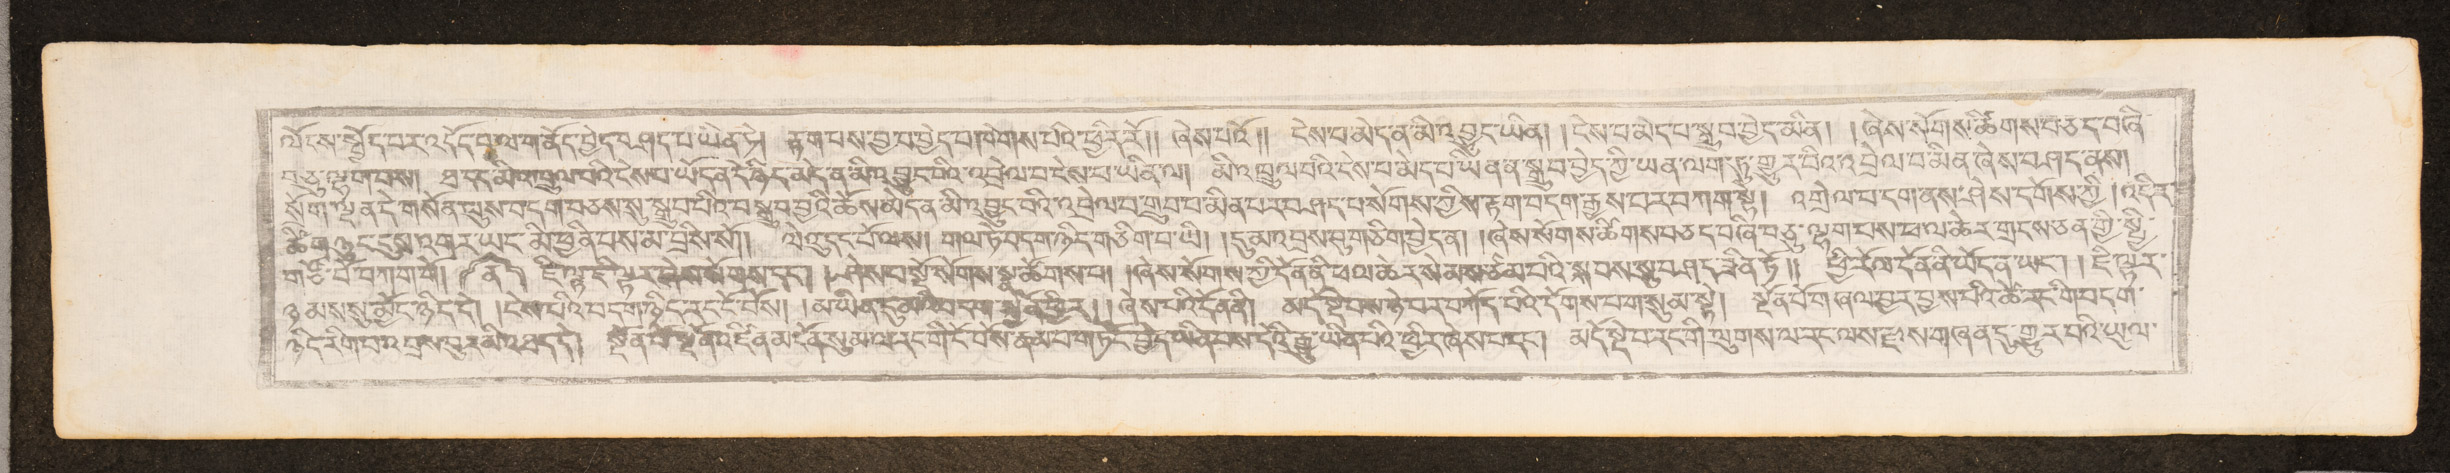ལོངས་སྤྱོད་པར་འདོད་པ་ལ་གནོད་བྱེད་བཤད་པ་ཡིན་ཏེ། རྟག་པས་བྱ་བ་བྱེད་པ་ཁེགས་པའི་ཕྱིར་རོ།། ཞེས་པའོ།། ངེས་པ་མེད་ན་མི་འབྱུང་ཡིན། །ངེས་པ་མེད་པ་སྒྲུབ་བྱེད་མིན། །ཞེས་སོགས་ཚིགས་བཅད་བཞི་
བཅུ་ལྷག་པས། ཐ་དད་མི་འཁྲུལ་བའི་ངེས་པ་ཡོད་ན་དེ་ཉིད་མེད་ན་མི་འབྱུང་བའི་འབྲེལ་བ་ངེས་པ་ཡིན་ལ། མི་འཁྲུལ་བའི་ངེས་པ་མེད་པ་ཡིན་ན་སྒྲུབ་བྱེད་ཀྱི་ཡན་ལག་ཏུ་གྱུར་བའི་འབྲལ་བ་མིན་ཞེས་བཤད་ནས།
སྲོག་ལྡན་དེ་གསོན་ལུས་བདག་བཅས་སུ་སྒྲུབ་པའི་བསྒྲུབ་བྱའི་ཆོས་མེད་ན་མི་འབྱུང་བའི་འབྲེལ་བ་གྲུབ་པ་མིན་པར་བཤད་པ་སོགས་ཀྱིས་རྟག་བདག་རྒྱས་པར་བཀག་སྟེ། འགྲེལ་བདག་ནས་ཤེས་དགོགས་ཀྱི་།འདིར་
ཚིག་ཉུང་ངུས་འགར་ཡང་མི་ཕྱིར་པས་མ་བྲིས་སོ།། ལེའུ་དང་པོ་ལས། གལ་ཏེ་བདག་ཉིད་གཅིག་པ་ཡི། །དུ་མ་འབྲས་བུ་གཅིག་བྱེད་ན། །ཞེས་སོགས་ཚིགས་བཅད་བཞི་བཅུ་ལྷག་པས་ཕལ་ཆེར་གྲངས་ཅན་གྱི་སྤྱི་
གཙོ་བོ་བཀག་གོ། ༼༽ན༼༽ ཇི་ལྟ་ཇི་ལྟར་ཞེས་སོགས་དང་། །ཤེས་པ་སྔོ་སོགས་སྣ་ཚོགས་པ། །ཞེས་སོགས་ཀྱི་དོན་ནི་ཕལ་ཆེར་སེམས་ཙམ་པའི་སྐབས་སུ་བཤད་ཟིན་ཏོ།། ཕྱིར་རོལ་དོན་ནི་ཡོད་ན་ཡང་། །ཇི་ལྟར་
ཉམས་སུ་མྱོང་ཉིད་དེ། །ངེས་པའི་བདག་ཉིད་རང་ངོ་བོས། །མ་ཡིན་དུ་མའི་བདག་སྐྱོན་ཕྱིར། །ཞེས་པའི་དོན་ནི། མདོ་སྡེབས་ཉེ་བར་བཀོད་པའི་དོགས་པ་གསུམ་སྟེ། སྡོན་པོ་གཞལ་བྱར་བྱས་པའི་ཚེ་རང་གི་བདག་
ཉིད་རིག་པ་འབྲས་བུར་མི་འཐད་དེ། སྔོན་པོ་སྔོན་འཛིན་མངོན་སུམ་ལ་རང་མི་ངོ་བོས་རྣམ་པ་གཏོང་བྱེད་ཡིན་པས་དེའི་རྒྱུ་ཡིན་པའི་ཕྱིར་ཞེས་པ་དང་། མདོ་སྡེ་བར་རང་གི་ལུགས་ལ་རང་ལས་རྫས་གཞན་དུ་གྱུར་བའི་ཡུལ་